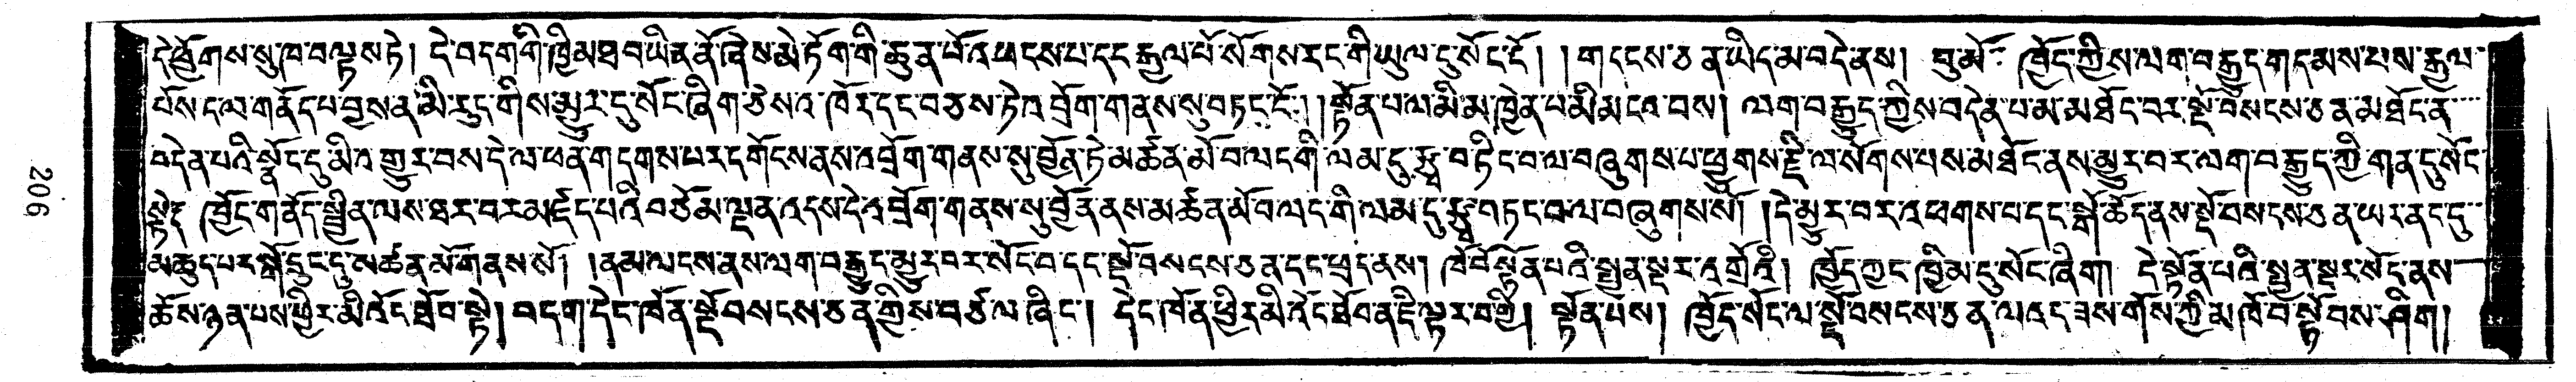དེ་ཕྱོགས་སུ་ཁ་བལྟས་ཏེ། དེ་བདག་གི་ཁྱིམ་ཐབ་ཡིན་ནོ་ཞེས་མེ་ཏོག་གི་ཆུན་པོ་འཕངས་པ་དང་རྒྱལ་པོ་སོགས་རང་གི་ཡུལ་དུ་སོང་ངོ། །གདངས་ཅན་ཡིད་མ་བདེ་ནས། བུ་མོ་ཁྱོད་ཀྱིས་ལག་བརྒྱུད་གདམས་པས་རྒྱལ་
པོས་ང་ལ་གནོད་པ་བྱས་ན་མི་རུང་གིས་མྱུར་དུ་སོང་ཞིག་ཅེས་འཁོར་དང་བཅས་ཏེ་འབྲོག་གནས་སུ་བཏང་ངོ། །སྟོན་པ་ལ་མི་མཁྱེན་པ་མི་མངའ་བས། ལག་བརྒྱུད་ཀྱིས་བདེན་པ་མ་མཐོང་བར་སྡོ་བསངས་ཅན་མཐོང་ན་
བདེན་པའི་སྣོད་དུ་མི་འགྱུར་བས་དེ་ལ་ཕན་གདགས་པར་དགོངས་ནས་འབྲོག་གནས་སུ་བྱོན་ཏེ་མཚན་མོ་བ་ལང་གི་ལམ་དུ་རྩྭ་བ་ཏིང་བ་ལ་བཞུགས་པ་ཕྱུགས་རྫི་ལ་སོགས་པས་མཐོང་ནས་མྱུར་བར་ལག་བརྒྱུད་ཀྱི་གན་དུ་སོང་
སྟེ༑ ཁྱོད་གནོད་སྦྱིན་ལས་ཐར་བར་མཛད་པའི་བཅོམ་ལྡན་འདས་དེ་འབྲོག་གནས་སུ་བྱོན་ནས་མཚན་མོ་བ་ལང་གི་ལམ་དུ་རྩྭ་བཏང་བ་ལ་བཞུགས་སོ། །དེ་མྱུར་བར་འཕགས་པ་དང་སྒོ་ཆོད་ནས་སྡོ་བསངས་ཅན་ཡར་ནང་དུ་
མཆུད་པར་སྒོ་དྲུང་དུ་མཚན་མོ་གནས་སོ། །ནམ་ལངས་ནས་ལག་བརྒྱུད་མྱུར་བར་སོང་བ་དང་སྡོ་བསངས་ཅན་དང་ཕྲད་ནས། ཁོ་བོ་སྟོན་པའི་སྤྱན་སྔར་འགྲོའི། ཁྱོད་ཀྱང་ཁྱིམ་དུ་སོང་ཞིག །དེ་སྟོན་པའི་སྤྱན་སྔར་སོང་ནས་
ཆོས་ཉན་པས་ཕྱིར་མི་འོང་ཐོབ་སྟེ། བདག་དེང་ཁོ་ན་སྡོ་བསངས་ཅན་གྱིས་བཙལ་ཞིང་། དེང་ཁོ་ན་ཕྱིར་མི་འོང་ཐོབ་ན་ཇི་ལྟར་བགྱི། སྟོན་པས། ཁྱོད་སོང་ལ་སྡོ་བསངས་ཅན་ལའང་ཟས་གོས་ཀྱི་མཁོ་བ་སྟོབས་ཤིག །